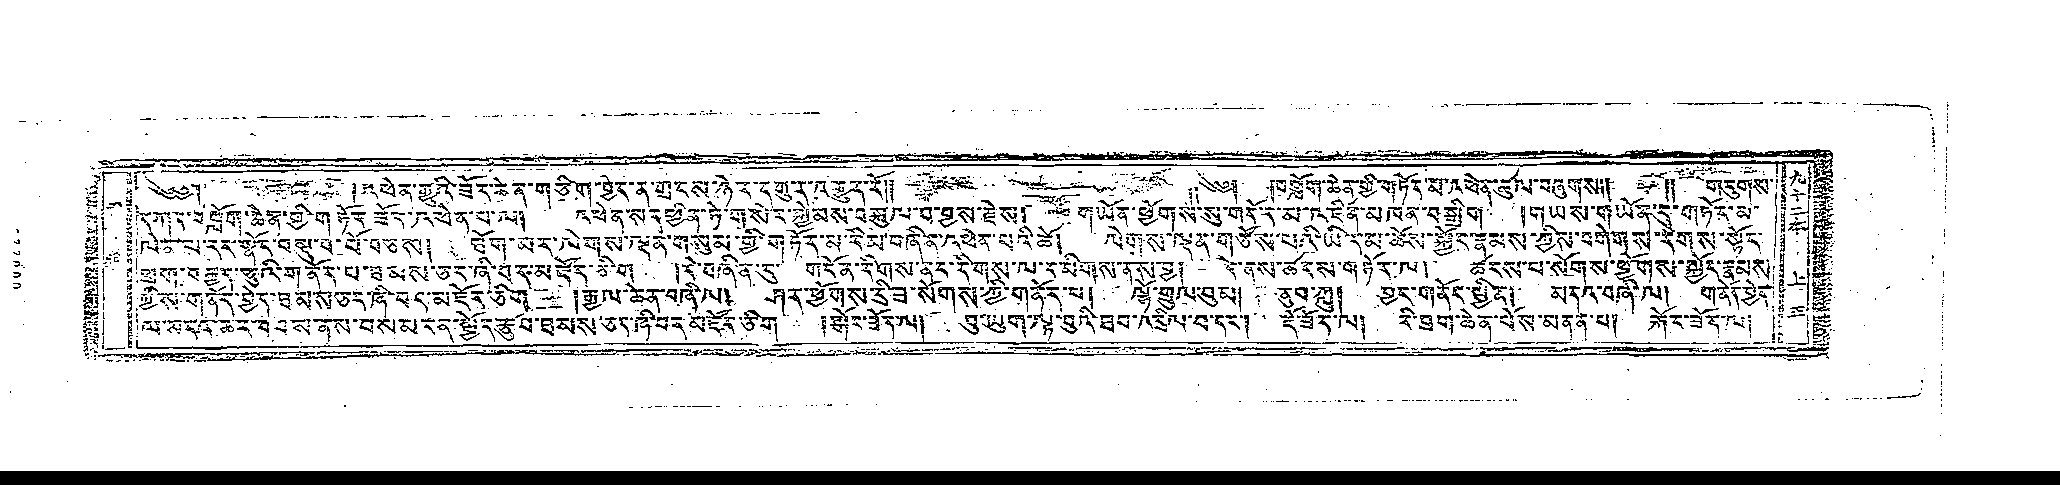༄༅། །འཕེན་རྒྱུའི་ཟོར་ཆེན་གཅིག་བྱེད་ན་གྲངས་ཉེར་དགུར་འགྱུར་རོ།། །།༄༅། །བཟློག་ཆེན་གྱི་གཏོར་མ་འཕེན་ཚུལ་བཞུགས།། །། གདུགས་
དཀར་བཟློག་ཆེན་གྱི་གཏོར་ཟོར་འཕེན་པ་ལ། འཕེན་སར་ཕྱིན་ཏེ་གསེར་སྐྱེམས་བསྐུ་ལ་བ་བྱས་རྗེས། གཡོན་ཕྱོགས་སུ་གཏོར་མ་འཛིན་མཁན་བསྒྲིག །གཡས་གཡོན་དུ་གཏོར་མ་
ལེན་པ་དང་སྣོང་བསྡུ་བ་པོ་བཅས། ཐོག་མར་ལེགས་ལྡན་གསུམ་གྱི་གཏོར་མ་རིམ་བཞིན་འཕེན་བའི་ཚེ། ལེགས་ལྡན་གཙོས་པའི་ཡི་དམ་ཆོས་སྐྱོང་རྣམས་ཀྱིས་བགེགས་རིགས་སྟོང་
ཕྲག་བརྒྱད་ཅུའི་གནོད་པ་ཐམས་ཅད་ཞི་བར་མཛོད་ཅིག །དེ་བཞིན་དུ་གདོན་རིགས་ནང་རིགས་ལ་དམིགས་ནས་བྱ། དེ་ནས་ཚངས་གཏོར་ལ། ཚངས་པ་སོགས་ཕྱོགས་སྐྱོང་རྣམས་
ཀྱིས་གནོད་བྱེད་ཐམས་ཅད་ཞི་བར་མཛོད་ཅིག །རྒྱལ་ཆེན་བཞི་ལ། ཤར་ཕྱོགས་དྲི་ཟ་སོགས་ཀྱི་གནོད་པ། ལྷོ་གྲུལ་བུམ། ནུབ་ཀླུ། བྱང་གནོད་སྦྱིན། མདའ་བཞི་ལ། གནོད་བྱེད་
ལ་མདའ་ཆར་བབས་ནས་བསམ་ངན་སྦྱོར་རྩུ་བ་ཐམས་ཅད་ཞི་བར་མཛོད་ཅིག །སྒོང་ཟོར་ལ། བུ་ཡུག་ལྟ་བུའི་རྦབ་འདྲིལ་པ་དང་། རྡོ་ཟོར་ལ། རི་བྲག་ཆེན་པོས་མནན་པ། རྐོད་ཟོར་ལ།